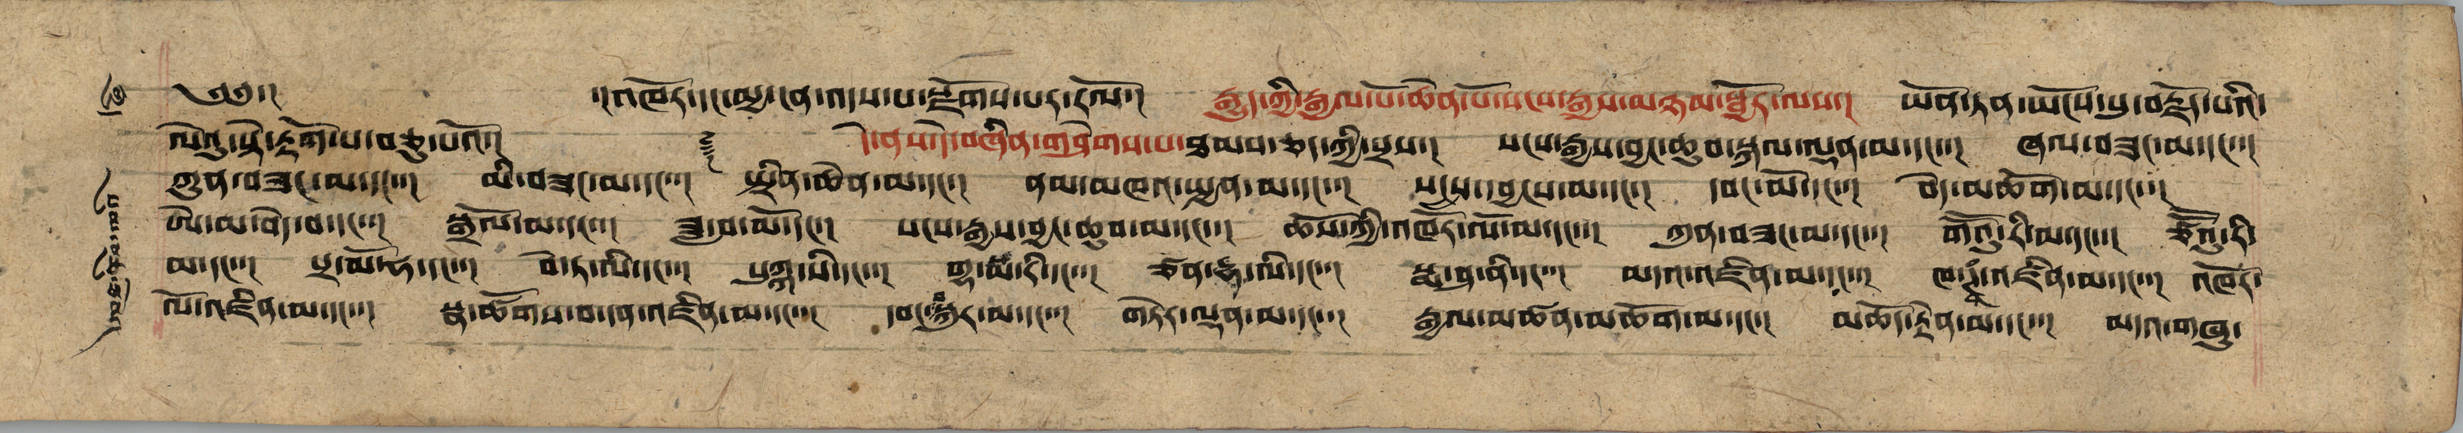༄༅་། ་།འཁོར་དང་མྱ་ངན་འདས་པ་སྫོགས་པར་རོལ་། རྒྱུད་ཀྱི་རྒྱལ་པོ་ཆེན་པོ་སངས་རྒྱས་མཉམ་སྦྱོར་ལས་། ཡོན་ཏན་ཡོངས་སུ་བརྗོད་པའི་
ལེའུ་སྟེ་རྟོག་པབཅུ་པའོ་། ༈ དེ་ནས་དེ་བཞིན་གཤེགས་པ་ཐམས་ཅད་ཀྱི་སྲས་། སངས་རྒྱས་བྱང་ཆུབ་སྐལ་ལྡན་མ་དང་་། ཞལ་བཟང་མ་དང་་།
ཀུན་བཟང་མ་དང་་། མི་བཟང་མ་དང་་། སྤྲིན་ཆེན་མ་དང་་། ནམ་མཁའ་སྤྱན་མ་དང་་། སདྱས་དབྱངས་མ་དང་་། དབང་མོ་དང་་། བདེ་མཆོག་མ་དང་་།
ཨེ་མ་བདེ་བ་དང་་། སྒྲོལ་མ་དང་་། ཟླ་བ་མོ་དང་་། སངས་རྒྱས་བྱང་ཆུབ་མ་དང་་། ཆོས་ཀྱི་འཁོར་ལོ་མ་དང་་། ཀུན་ཏུ་བཟང་མ་དང་་། གཽའུ་རི་མ་དང་་། ཙོའུ་རི་
མ་དང་་། པྲ་མོ་ཧ་དང་་། བེ་ཏ་ལི་དང་་། པུཀྐ་སི་དང་་། གྷ་སྨ་རི་དང་་། ཙན་དྷ་ལི་དང་་། སྨ་ཤ་ནི་དང་་། མདའ་འཛིན་མ་དང་་། ཁ་ཊྭཾ་འཛིན་མ་དང་་། འཁོར་
ལོ་འཛིན་མ་དང་་། སྣ་ཚོགས་བ་དན་འཛིན་མ་དང་་། དབང་བསྐུར་མ་དང་་། གཏེར་ལྡན་མ་དང་་། རྒྱལ་མཚན་མཆོག་མ་དང་་། མཆོད་རྟེན་མ་དང་་། མདའ་གཞུ་